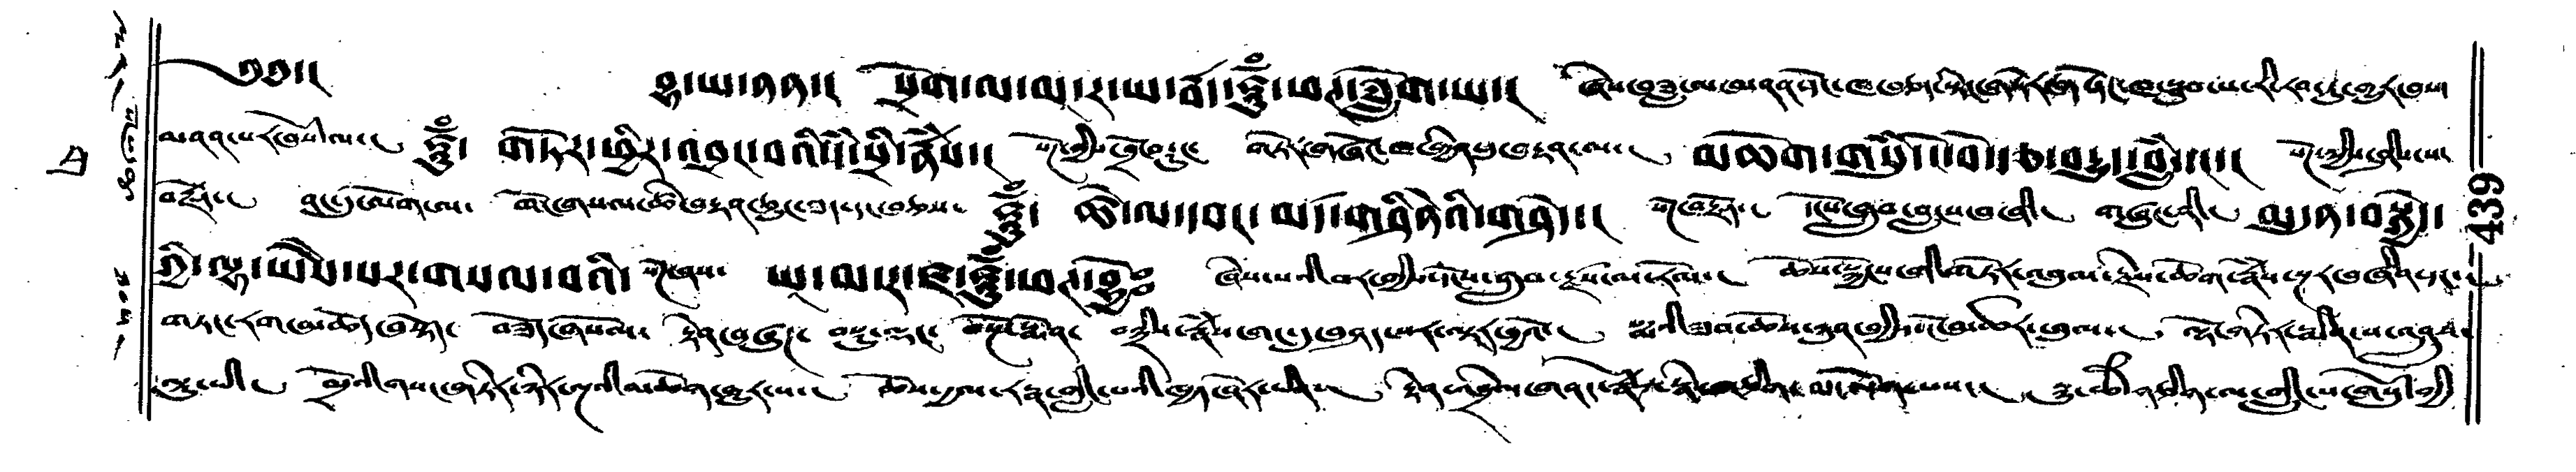བྷ་ཡ་ནན། སྲོག་ལ་མཱ་ར་ཡ་རྦད་ཧཱུྃ་ཕཊཿཟློག་ཡ། ཞེས་བཟླ་ལ་མནན་ནོ་ཁ་བཅད་སྟེང་གཏོར་གཞོང་ཁ་སྦུབས་པ་རི་རབ་ཏུ་གྱུར་བས་
མནན་པར་བསམ་ལ། ཧཱུྃ། གཏོར་ཕྱིར་འབྲང་བའི་དམ་སྲི་རྣམས། སོགས་ཀྱིས་བྲོ་བརྡུང་། གཏོར་གཞོང་ཁ་གྱེན་དུ་བསྟན་ལ། མཆོག་གསུམ་ངོ་བོ་རྩ་བརྒྱུད་བླ་མ་དང་། སོགས་ཀྱིས་ཤིས་པ་
རྗོད། ནང་དུ་ལོག་ལ། གོང་གསལ་ཚེ་སྙེན་ཅུང་ཟད་དང་བཅས། ཧཱུྃ། ཚེ་ལ་དབང་མཛད་གཤིན་རྗེའི་གཤེད། སོགས་རྗོད། དངོས་གྲུབ་བླང་བ་ནི། གཞུང་གི མདུན་བསྐྱེད་
ཀྱི་ལྷ་ཡེ་ཤེས་པར་གསལ་བའི་སོགས་ནས་ཡཱ་མ་ར་ཛ་ཧཱུྃ་ཕཊཿབྷྱོཿ ཞེས་པའི་བར་གྱིས་དངོས་གྲུབ་རྫས་ལ་རོལ། ཆོས་སྐྱོང་གི་གཏོར་འབུལ་རྗེས་ཆོག་རྣམས་སྔར་བཞིན་དང་། 
གཏང་རག་མཆོད་བསྟོད། བཟོད་གསོལ། བརྟན་བཞུགས། བསྡུ་ལྡང་། བཀྲ་ཤིས་རྣམས་གོང་དུ་བཤད་པར་ལྟར་བྱའོ།། པདྨའི་ཟབ་ཆོས་ཀུན་གྱི་ངོ་མཚར་ཕུལ། །ལྷོ་གཏེར་སྨིན་པ་འབྲས་བུ་
ལྟ་བུ་ཡི། །མཁའ་འགྲོའི་གསང་གཏེར་ཉེར་ལྔའི་མཆོག་གྱུར་པ། །ཆོས་རྒྱལ་རཏྣ་གླིང་པའི་ཁྱད་ནོར་ཡིན། །རྟེན་འབྲེལ་གནད་རྣམས་སྣེ་གཅིག་མ་ལོག་པས། །སྐུ་ཚེ་གཅིག་ལ་གླིང་པ་གསུམ་གྱི་